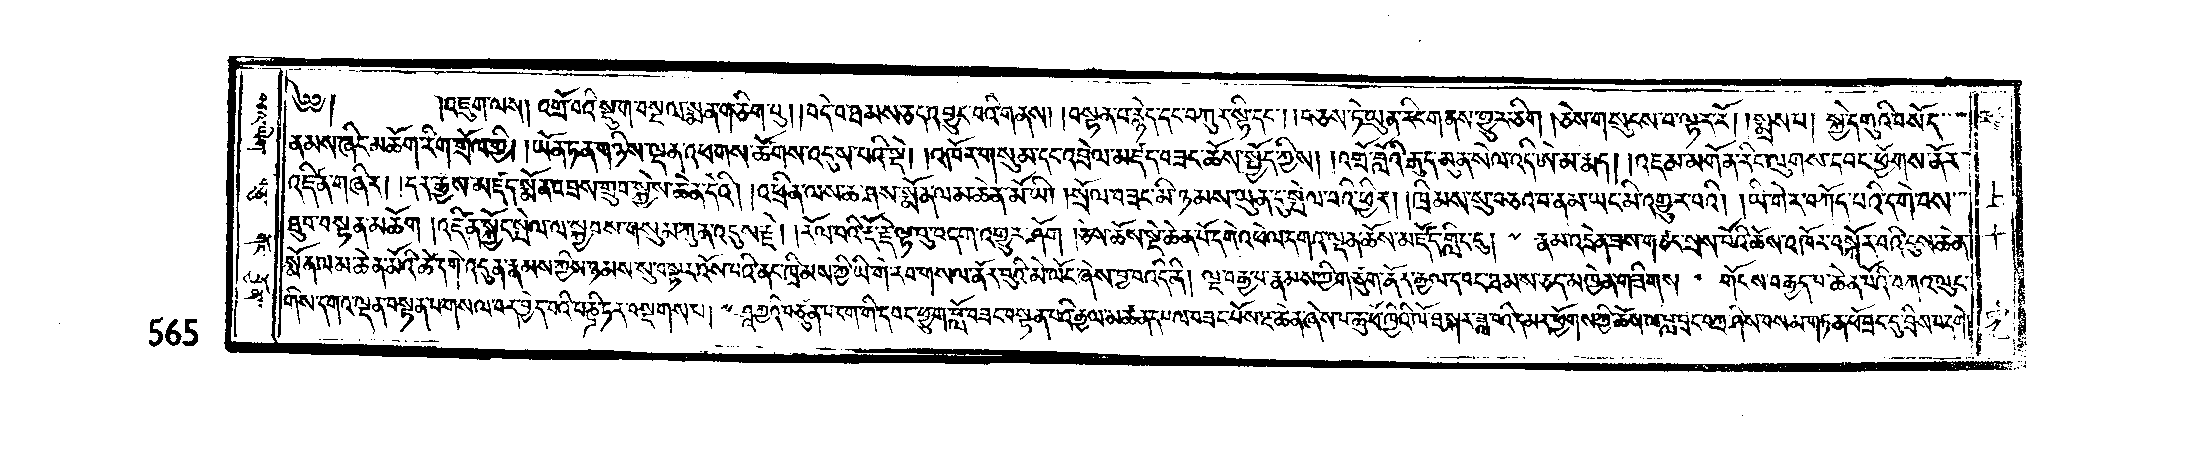༄༅། །འཇུག་ལས། འགྲོ་བའི་སྡུག་བསྔལ་སྨན་གཅིག་པུ། །བདེ་བ་ཐམས་ཅད་འབྱུང་བའི་གནས། །བསྟན་པ་རྙེད་དང་བཀུར་སྟི་དང་། །བཅས་ཏེ་ཡུན་རིང་གནས་གྱུར་ཅིག །ཅེས་གསུངས་པ་ལྟར་རོ། །སྨྲས་པ། སྐྱེ་དགུའི་བསོད་
ནམས་ཞིང་མཆོག་རིག་གྲོལ་གྱི། །ཡོན་ཏན་གཉིས་ལྡན་འཕགས་ཚོགས་འདུས་པའི་སྡེ། །འཁོར་གསུམ་དང་འབྲེལ་མཛད་བཟང་ཆོས་སྤྱོད་ཀྱིས། །འགྲོ་བློའི་རྒུད་མུན་སེལ་འདི་ཨེ་མ་རྨད། །འཇམ་མགོན་རིང་ལུགས་དབང་ཕྱོགས་ནོར་
འཛིན་གཞིར། །དར་རྒྱས་མཛད་སྨོན་འབྲས་གྲུབ་སྐྱེས་ཆེན་དེའི། །འཕྲིན་ལས་ཆ་ཤས་སྨོན་ལམ་ཆེན་མོ་ཡི། །སྲོལ་བཟང་མི་ཉམས་ཡུན་དུ་སྤེལ་བའི་ཕྱིར། །ཁྲིམས་སུ་བཅའ་བ་ནམ་ཡང་མི་འགྱུར་བའི། །ཡི་གེར་བཀོད་པའི་དགེ་བས་
ཐུབ་བསྟན་མཆོག །འཛིན་སྐྱོང་སྤེལ་ལ་སྐྱབས་གསུམ་ཀུན་འདུས་རྗེ། །རོལ་བའི་རྡོ་རྗེ་ལྟ་བུ་བདག་འགྱུར་ཤོག །ཅེས་ཆོས་སྡེ་ཆེན་པོ་དགེ་འཕེལ་དགའ་ལྡན་ཆོས་མཛོད་གླིང་དུ། རྣམ་འདྲེན་ཟས་གཙང་སྲས་པོའི་ཆོས་འཁོར་བསྐོར་བའི་དུས་ཆེན་
སྨོན་ལམ་ཆེན་མོའི་ཚེ་དགེ་འདུན་རྣམས་ཀྱིས་ཉམས་སུ་བསྟར་འོས་པའི་ནང་ཁྲིམས་ཀྱི་ཡི་གེ་རབ་གསལ་ནོར་བུའི་མེ་ལོང་ཞེས་བྱ་བ་འདི་ནི། ལྔ་བརྒྱ་པ་རྣམས་ཀྱི་གཙུག་ནོར་རྒྱལ་དབང་ཐམས་ཅད་མཁྱེན་གཟིགས་གོང་ས་བརྒྱད་པ་ཆེན་པོའི་བཀའ་ལུང་
གིས་དགའ་ལྡན་བསྟན་པ་གསལ་བར་བྱེད་པའི་པཎྜི་ཏར་བསྔགས་པ། ཤཱཀྱའི་བཙུན་པ་ངག་གི་དབང་ཕྱུག་བློ་བཟང་བསྟན་པའི་རྒྱལ་མཚན་དཔལ་བཟང་པོས་རྔ་ཆེན་ཞེས་པ་ཆུ་ཕོ་ཁྱིའི་ལོ་ཐ་སྐར་ཟླ་བའི་དམར་ཕྱོགས་ཀྱི་ཆོས་ལ་བླ་བྲང་བཀྲ་ཤིས་བསམ་གཏན་ཕོ་བྲང་དུ་བྲིས་པ་དགེ །